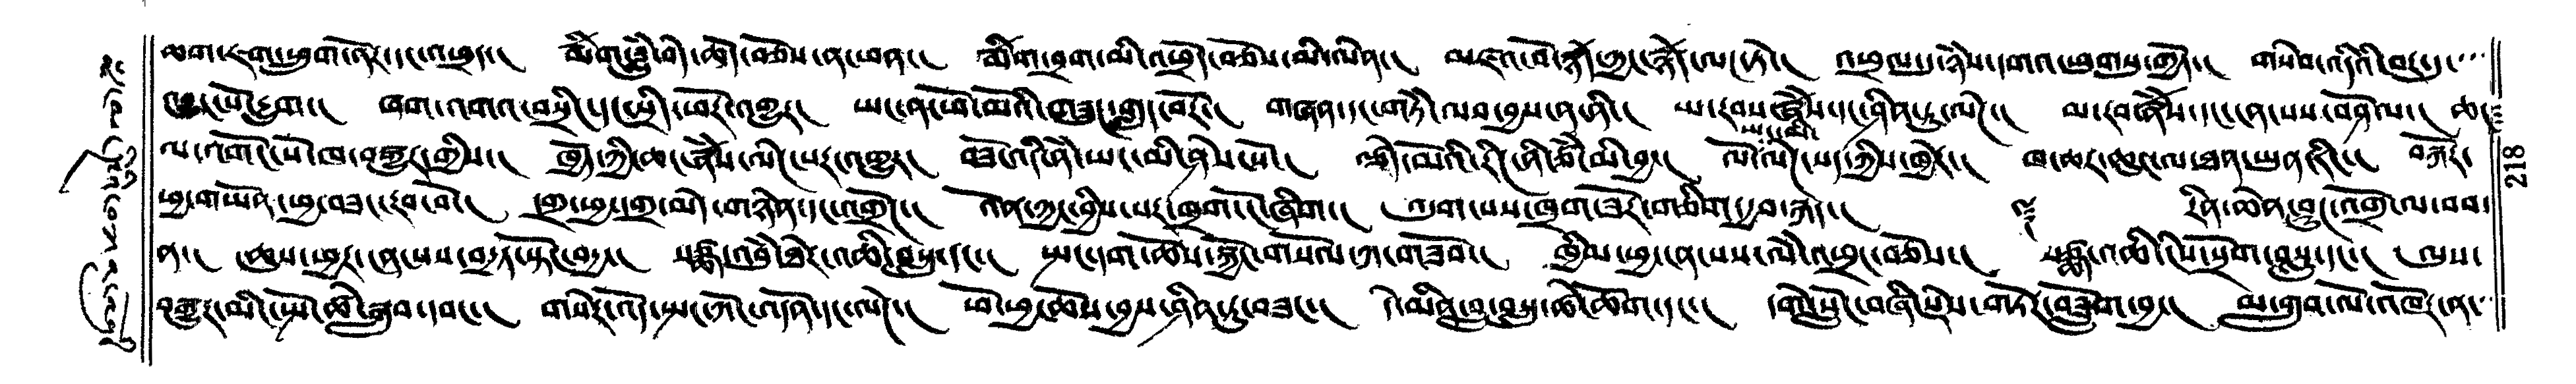ཆག་ཇག་ཕྲུག་ནོར་དང་འཕྲད། །རྨིག་ཟླུམ་བདེ་ཆོད་བཅོས་ན་ཕན། །རྨིག་དབྲག་མི་འཕྲོད་བཅོས་མི་ལེན། །མཛའ་བོ་རྙེད་ཀྱང་རྙེད་ལགས་ཏེ། །ཕྲལ་དུ་ཉམས་དགའ་ཕུགས་སུ་གྱོད། །གསེབ་འདིའི་བར་དུ་
འབྱུང་པོ་རྒྱུག །ཞག་འགའ་བསྲིང་དང་སྲིད་ཕོར་འགྱུར། །ཡང་ན་ཕོ་མོའི་གཟུུགས་གླུད་བོར། །གཞན་དང་གཏམ་ལབ་བྱས་ན་ནི། །ཡ་རབ་རྣམས་དང་ཤིན་ཏུ་ལེགས། །མ་རབ་རྣམས་དང་ངན་པས་བཤོལ། །ཆ་
ལ་འགོང་པོ་ཁ་སྒྱུར་གྱིས། །ཁྱོད་ཀྱི་ཆང་རྣམས་ལེགས་པར་འགྱུར། །བཟོ་འདི་ནམ་ཡང་མི་ཤེས་སོ། །རྩེད་མོའི་རིགས་ནི་བརྩམ་མི་བྱ། །ལོ་ཡང་མི་ལེགས་སད་ཀྱིས་ཁྱེར། ཁ་ཆར་ཆུང་ལ་ཐུན་ཡུན་རིང་། །བསྐོར་
ཕྱྭ་གཡོན་ཕྱ་བཟང་རབ་བོ། །དགྲ་ཕྱྭ་དགྲ་མེད་གཉེན་དང་འགྲོགས། ། འོན་ཀྱང་བྱིས་པར་ཁྲག་ངོ་ཞིག །འདུག་པས་ཁྲག་ཟོར་གཅིག་རྒྱབ་སྐད། ༈ རིན་ཆེན་ཤུགས་འགྲོ་ལ་བབ་
ན། །ཆུས་ཕྱྭར་ངན་པས་བརྒྱད་སྟོང་བརྒྱ། །སཙྪ་འབུམ་ཐེར་འཆི་བསླུ་དང་། །སྤང་དག་ཆོས་སྐྱོང་གསོལ་ཀ་གཟོབ། །ཁྱིམ་ཕྱྭ་ངན་པས་ལམ་འཕྲང་བཅོས། །སཙྪ་འཆི་ངེས་སྲོག་བསླུ་དང་། །ལུས་
སྒྱུར་མིང་སྤོ་ཚེ་སྒྲུབ་དབང་། །གསེར་འོད་སྤང་ཀོང་འདོན་དང་ལེགས། །ཕོ་ཕྱྭ་ཆོས་བྱས་ཤིན་ཏུ་བཟང། །དེ་མིན་བླ་བསླུ་ཚེ་ཆོག་དང་། །དགེ་སློང་བཞི་སྡེས་གཏོར་བཟློག་བྱ། །མ་གྲུབ་ལོ་འཁོར་ན་